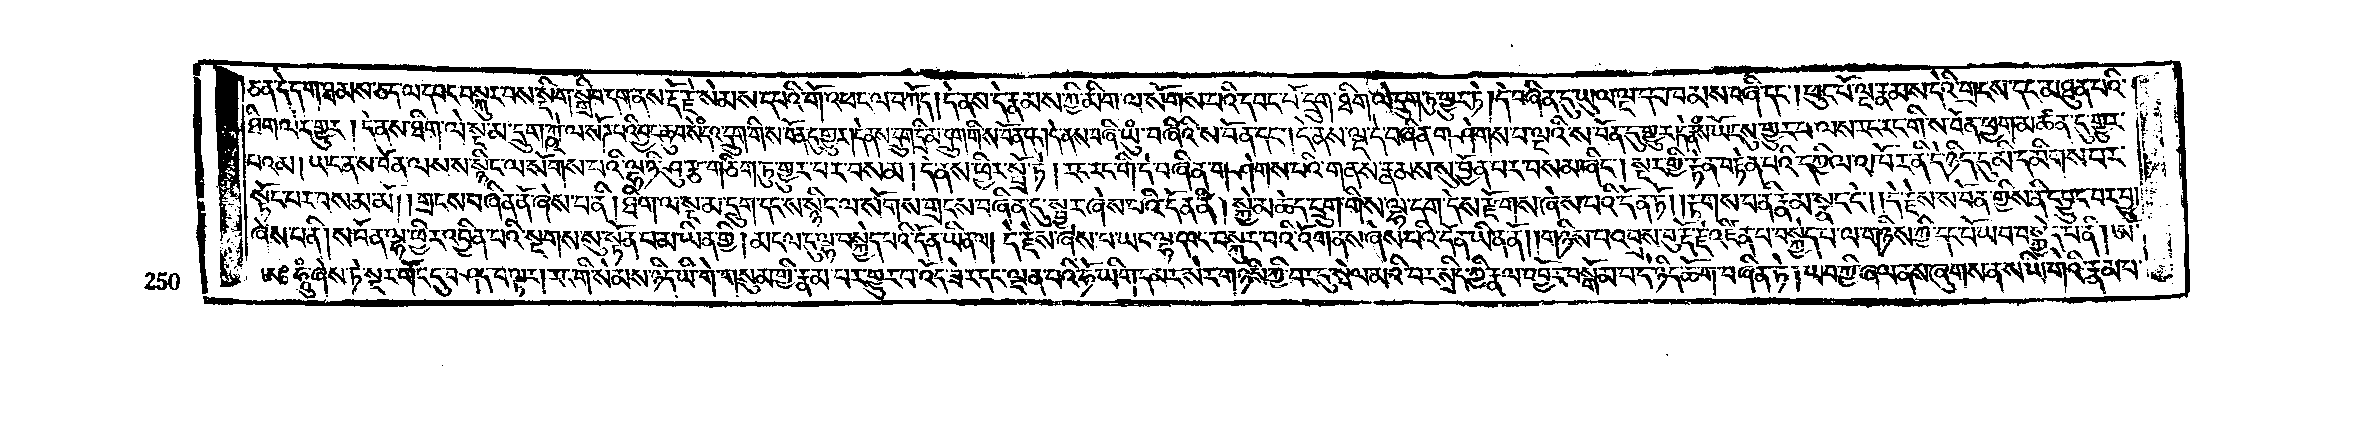ཅན་དེ་དག་ཐམས་ཅད་ལ་དབང་བསྐུར་བས་སྡིག་སྒྲིབ་དག་ནས་རྡོ་རྗེ་སེམས་དཔའི་གོ་འཕང་ལ་བཀོད། དེ་ནས་དེ་རྣམས་ཀྱི་མིག་ལ་སོགས་པའི་དབང་པོ་དྲུག་ཐིག་ལེ་དྲུག་ཏུ་གྱུར་ཏེ། དེ་བཞིན་དུ་ཡུལ་ལྔ་དང་ཁམས་བཞི་དང་། ཕུང་པོ་ལྔ་རྣམས་དེའི་གྲངས་དང་མཐུན་པའི་
ཐིག་ལེར་གྱུར། དེ་ནས་ཐིག་ལེ་སྔ་མ་དྲུག་ཀེཥ་ལ་སོགས་པའི་བྱང་ཆུབ་སེམས་དཔའི?་དྲུག་གི་ས་བོན་དུ་གྱུར། དེ་ནས་དྲུག་དྲི་མ་དྲུག་གི་ས་བོན་དང་། དེ་ནས་བཞི་ཡུཾ་བཞིའི་ས་བོན་དང་། དེ་ནས་ལྔ་དེ་བཞིན་གཤེགས་པ་ལྔའི་ས་བོན་དུ་གྱུར། དེ་རྣམས་ཡོངས་སུ་གྱུར་པ་ལས་རང་རང་གི་ས་བོན་ཕྱག་མཚན་དུ་གྱུར་
པའམ། ཡང་ན་ས་བོན་ལས་ས་སྙིང་ལ་སོགས་པའི་ལྷ་ཉི་ཤུ་རྩ་གཅིག་ཏུ་གྱུར་པར་བསམ། དེ་ནས་ཕྱིར་སྤྲོ་ཏེ། རང་རང་གི་དེ་བཞིན་གཤེགས་པའི་གནས་རྣམས་སུ་བྱོན་པར་བསམ་ཞིང་། སྔར་གྱི་རྟེན་བརྟེན་པའི་དཀྱིལ་འཁོར་ནི་དེ་ཉིད་དུ་མི་དམིགས་པར་
སྟོང་པར་བསམ་མོ། །གྲངས་བཞིན་ནོ་ཞེས་པ་ནི། ཐིག་ལ་སྔ་མ་དྲུག་དང་ས་སྙིང་ལ་སོགས་གྲངས་བཞིན་དུ་སྦྱར་ཞེས་པའི་དོན་ནི། སྐྱེ་མཆེད་དྲུག་གིས་ལྷ་དག་དེས་རྫོགས་ཞེས་པའི་དོན་ཏོ། །རྟགས་པ་ནི་རྣམ་སྣང་དེ། །དེ་རྗེས་ས་བོན་གྱིས་ནི་དབྱུང་བར་བྱ།
ཞེས་པ་ནི། ས་བོན་ལྷ་ཕྱིར་འབྱིན་པའི་སྔགས་སུ་སྟོན་པ་མ་ཡིན་གྱི། མངལ་དུ་ལྷ་བསྐྱེད་པའི་དོན་ཡིན་ལ། དེ་རྗེས་ཞེས་པ་ཡང་ལྷ་དབང་བསྐུར་བའི་འོག་ནས་ཞེས་པའི་དོན་ཡིན་ནོ། །གཉིས་པ་འབྲས་བུ་རྡོ་རྗེ་འཛིན་པ་བསྐྱེད་པ་ལ་གཉིས་ཀྱི་དང་པོ་ཡབ་བསྐྱེད་པ་ནི། ཨོཾ་
ཨཿ ཧཱུཾ་ཞེས་ཏེ་སྔར་གོང་དུ་བཤད་པ་ལྟར། རང་གི་སེམས་ཉིད་ཡི་གེ་གསུམ་གྱི་རྣམ་པར་གྱུར་པ་འོད་ཟེར་དང་ལྡན་པའི་ཧོ་ཡིག་དམར་སེར་གཉིས་ཀྱི་བར་དུ་སྤེལ་མའི་བར་སྲིད་ཀྱི་རྣལ་འབྱོར་བསྒོམ་པ་དེ་ཉིད་ཆོ་ག་བཞིན་ཏེ། ཡབ་ཀྱི་ཞལ་ནས་ཞུགས་ནས་ཡི་གེའི་རྣམ་པ་